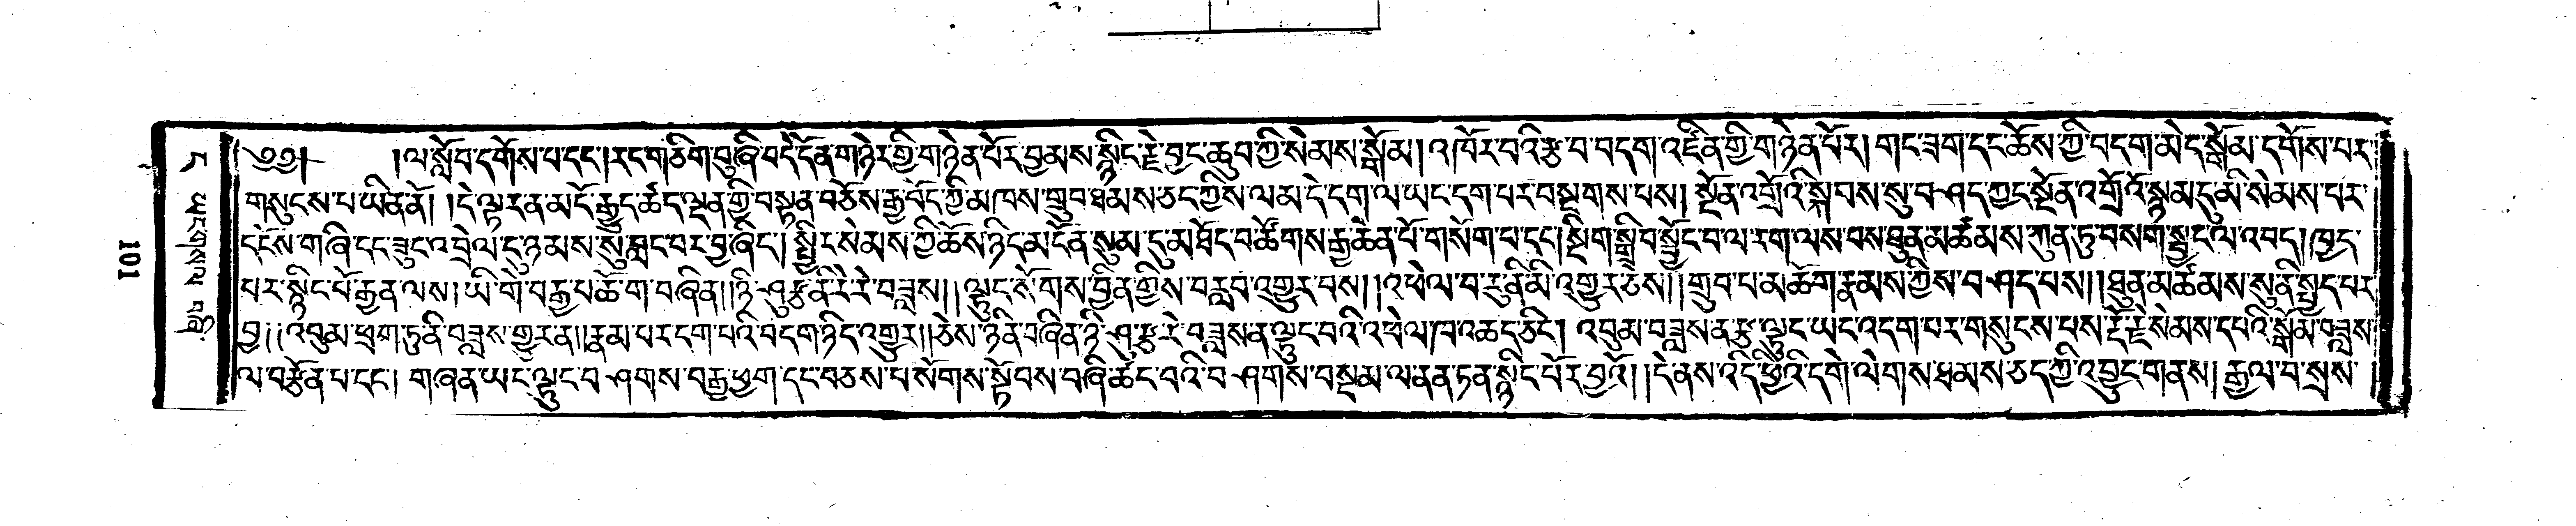༄༅། །ལ་སློབ་དགོས་པ་དང་། རང་གཅིག་པུ་ཞི་བདེ་དོན་གཉེར་གྱི་གཉེན་པོར་བྱམས་སྙིང་རྗེ་བྱང་ཆུབ་ཀྱི་སེམས་སྒོམ། འཁོར་བའི་རྩ་བ་བདག་འཛིན་གྱི་གཉེན་པོར། གང་ཟག་དང་ཆོས་ཀྱི་བདག་མེད་སྒོམ་དགོས་པར་
གསུངས་པ་ཡིན་ནོ། །དེ་ལྟར་ན་མདོ་རྒྱུད་ཚད་ལྡན་གྱི་བསྟན་བཅོས་རྒྱ་བོད་ཀྱི་མཁས་གྲུབ་ཐམས་ཅད་ཀྱིས་ལམ་དེ་དག་ལ་ཡང་དག་པར་བསྔགས་པས། སྔོན་འགྲོའི་སྐབས་སུ་བཤད་ཀྱང་སྔོན་འགྲོའོ་སྙམ་དུ་མ་སེམས་པར་
དངོས་གཞི་དང་ཟུང་འབྲེལ་དུ་ཉམས་སུ་བླང་བར་བྱ་ཞིང་། སྤྱིར་སེམས་ཀྱི་ཆོས་ཉིད་མངོན་སུམ་དུ་མཐོང་བ་ཚོགས་རྒྱ་ཆེན་པོ་གསོག་པ་དང་། སྡིག་སྒྲིབ་སྦྱོང་བ་ལ་རག་ལས་པས་ཐུན་མཚམས་ཀུན་ཏུ་བསག་སྦྱང་ལ་འབད། ཁྱད་
པར་སྙིང་པོ་རྒྱན་ལས། ཡི་གེ་བརྒྱ་པ་ཆོ་ག་བཞིན། །ཉི་ཤུ་རྩ་ནི་རེ་རེ་བཟླས། །ལྟུང་སོགས་བྱིན་གྱིས་བརླབ་འགྱུར་བས། །འཕེལ་བ་རུ་ནི་མི་འགྱུར་ཅེས། །གྲུབ་པ་མཆོག་རྣམས་ཀྱིས་བཤད་པས། །ཐུན་མཚམས་སུ་ནི་སྤྱོད་པར་
བྱ། །འབུམ་ཕྲག་ཏུ་ནི་བཟླས་གྱུར་ན། །རྣམ་པར་དག་པའི་བདག་ཉིད་འགྱུར། །ཅེས་ཉིན་བཞིན་ཉི་ཤུ་རྩ་རེ་བཟླས་ན་ལྟུང་བའི་འཕེལ་ཁ་འཆད་ཅིང་། འབུམ་བཟླས་ན་རྩ་ལྟུང་ཡང་འདག་པར་གསུངས་པས་རྡོ་རྗེ་སེམས་དཔའི་སྒོམ་བཟླས་
ལ་བརྩོན་པ་དང་། གཞན་ཡང་ལྟུང་བཤགས་བརྒྱ་ཕྱག་དང་བཅས་པ་སོགས་སྟོབས་བཞི་ཚང་བའི་བཤགས་བསྡམ་ལ་ནན་ཏན་སྙིང་པོར་བྱའོ། །དེ་ནས་འདི་ཕྱིའི་དགེ་ལེགས་ཐམས་ཅད་ཀྱི་འབྱུང་གནས། རྒྱལ་བ་སྲས་